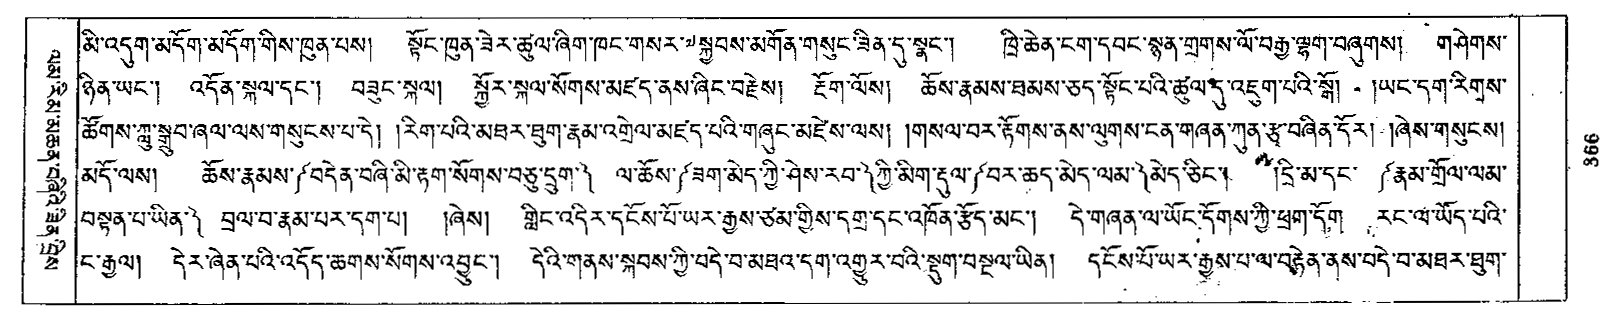མི་འདུག་མདོག་མདོག་གིས་ཁུན་པས། སྟོང་ཁུན་ཟེར་ཚུལ་ཞིག་ཁང་གསར་༧་སྐྱབས་མགོན་གསུང་ཟིན་དུ་སྣང་། ཁྲི་ཆེན་ངག་དབང་སྙན་གྲགས་ལོ་བརྒྱ་ལྷག་བཞུགས། གཤེགས་
ཉིན་ཡང་། འདོན་སྐལ་དང་། བཟུང་སྐལ། སྐྱོར་སྐལ་སོགས་མཛད་ནས་ཞིང་བརྗེས། རྔོག་ལོས། ཆོས་རྣམས་ཐམས་ཅད་སྟོང་པའི་ཚུལ་དུ་འཇུག་པའི་སྒོ། །ཡང་དག་རིགས་
ཚོགས་ཀླུ་སྒྲུབ་ཞལ་ལས་གསུངས་པ་དེ། །རིག་པའི་མཐར་ཐུག་རྣམ་འགྲེལ་མཛད་པའི་གཞུང་མཛེས་ལས། །གསལ་བར་རྟོགས་ནས་ལུགས་ངན་གཞན་ཀུན་རྩྭ་བཞིན་དོར། །ཞེས་གསུངས།
མདོ་ལས། ཆོས་རྣམ་?བདེན་བཞི་མི་རྟག་སོགས་བཅུ་དྲུག༼་ལ་ཆོས་?ཟག་མེད་ཀྱི་ཤེས་རབ༽ ཀྱི་མིག་རྡུལ་?ཟག་མེད་ཀྱི་ཤེས་རབ༼་ཀྱི་མིག་རྡུལ་?བར་ཆད་མེད་ལམ༽ མེད་ཅིང་། །དྲི་མ་དང་། ?རྣམ་གྲོལ་ལམ་
བསྟན་པ་ཡིན་བྲལ་བ་རྣམ་པར་དག་པ། །ཞེས། གླིང་འདིར་དངོས་པོ་ཡར་རྒྱས་ཙམ་གྱིས་དགྲ་དང་འཁོན་རྩོད་མང་། དེ་གཞན་ལ་ཡོང་དོགས་ཀྱི་ཕྲག་དོག་རང་ལ་ཡོད་པའི་
ང་རྒྱལ། དེར་ཞེན་པའི་འདོད་ཆགས་སོགས་འབྱུང་། དེའི་གནས་སྐབས་ཀྱི་བདེ་བ་མཐའ་དག་འགྱུར་བའི་སྡུག་བསྔལ་ཡིན། དངོས་པོ་ཡར་རྒྱས་པ་ལ་བརྟེན་ནས་བདེ་བ་མཐར་ཐུག་